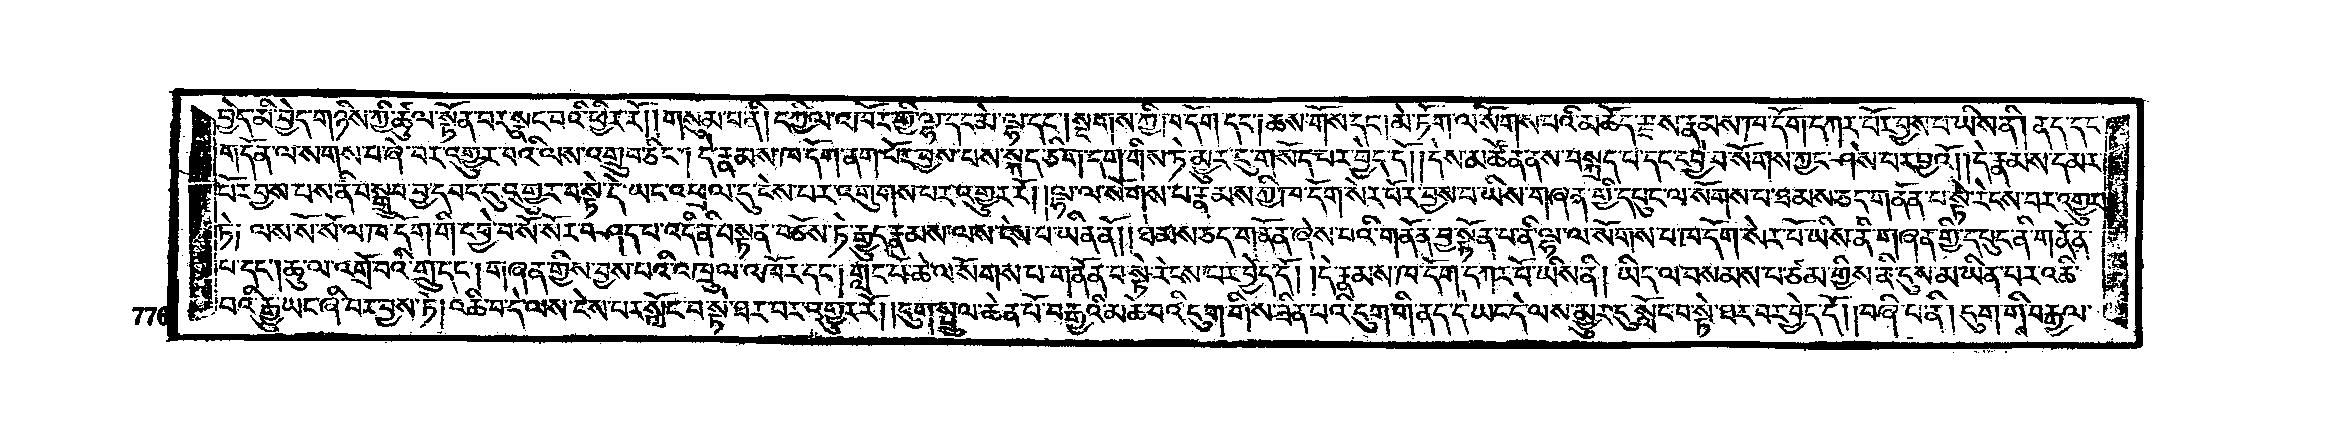བྱེད་མི་བྱེད་གཉིས་ཀྱི་ཚུལ་སྟོན་པར་སྣང་བའི་ཕྱིར་རོ། །གསུམ་པ་ནི། དཀྱིལ་འཁོར་གྱི་ལྷ་དང་མེ་ལྷ་དང་། སྔགས་ཀྱི་ཁ་དོག་དང་། ཆས་གོས་དང་། མེ་ཏོག་ལ་སོགས་པའི་མཆོད་རྫས་རྣམས་ཁ་དོག་དཀར་པོར་བྱས་པ་ཡིས་ནི། ནད་དང་
གདོན་ལ་སོགས་པ་ཞི་བར་འགྱུར་བའི་ལས་འགྲུབ་ཅིང་། དེ་རྣམས་ཁ་དོག་ནག་པོར་བྱས་པས་སྐད་ཅིག་དག་གིས་ཏེ་མྱུར་དུ་གསོད་པར་བྱེད་དོ། །དེས་མཚོན་ནས་བསྐྲད་པ་དང་དབྱེ་བ་སོགས་ཀྱང་ཤེས་པར་བྱའོ། །དེ་རྣམས་དམར་
པོར་བྱས་པས་ནི་བསྒྲུབ་བྱ་དབང་དུ་འགྱུར་བ་སྟེ་དེ་ཡང་འཕྲལ་དུ་ངེས་པར་འགུགས་པར་འགྱུར་རོ། །ལྷ་ལ་སོགས་པ་རྣམས་ཀྱི་ཁ་དོག་སེར་པོར་བྱས་པ་ཡིས་གཞན་གྱི་དཔུང་ལ་སོགས་པ་ཐམས་ཅད་གནོན་པ་སྟེ་རེངས་པར་འགྱུར་
ཏེ༑ ལས་སོ་སོ་ལ་ཁ་དོག་གི་དབྱེ་བ་སོ་སོར་བཤད་པ་འདི་ནི་བསྟན་བཅོས་ཏེ་རྒྱུད་རྣམས་ལས་ངེས་པ་ཡིན་ནོ། །ཐམས་ཅད་གནོན་ཞེས་པའི་གནོན་བྱ་སྟོན་པ་ནི་ལྷ་ལ་སོགས་པ་ཁ་དོག་སེར་པོ་ཡིས་ནི་གཞན་གྱི་དཔུང་ནི་གནོན་
པ་དང་། ཆུ་ལ་འགྲོ་བའི་གྲུ་དང་། གཞན་གྱིས་བྱས་པའི་འཁྲུལ་འཁོར་དང་། གླང་པོ་ཆེ་ལ་སོགས་པ་གནོན་པ་སྟེ་རེངས་པར་བྱེད་དོ། །དེ་རྣམས་ཁ་དོག་དཀར་པོ་ཡིས་ནི། ཡིད་ལ་བསམས་པ་ཙམ་གྱིས་ནི་དུས་མ་ཡིན་པར་འཆི་
བའི་རྒྱུ་ཡང་ཞི་བར་བྱས་ཏེ། འཆི་བ་དེ་ལས་ངེས་པར་སློང་བ་སྟེ་ཐར་བར་འགྱུར་རོ། །དུག་སྤྲུལ་ཆེན་པོ་བརྒྱའི་མཆེ་བའི་དུག་གིས་ཟིན་པའི་དུག་གི་ནད་དེ་ཡང་དེ་ལས་མྱུར་དུ་སློང་བ་སྟེ་ཐར་བར་བྱེད་དོ། །བཞི་པ་ནི། དུག་གིས་བརྒྱལ་